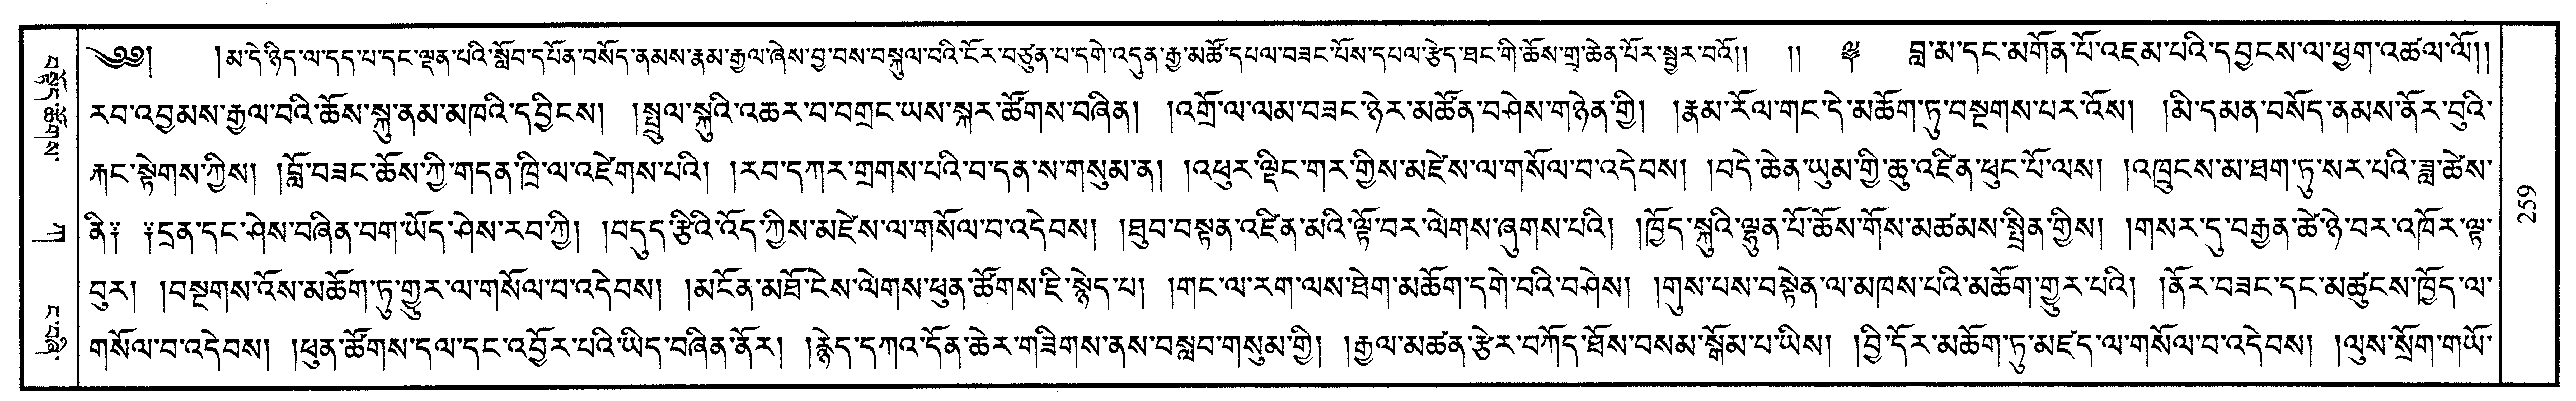༄༅། །མ་དེ་ཉིད་ལ་དད་པ་དང་ལྡན་པའི་སློབ་དཔོན་བསོད་ནམས་རྣམ་རྒྱལ་ཞེས་བྱ་བས་བསྐུལ་བའི་ངོར་བཙུན་པ་དགེ་འདུན་རྒྱ་མཚོ་དཔལ་བཟང་པོས་དཔལ་རྩེད་ཐང་གི་ཆོས་གྲྭ་ཆེན་པོར་སྦྱར་བའོ།། །། ༈ བླ་མ་དང་མགོན་པོ་འཇམ་པའི་དབྱངས་ལ་ཕྱག་འཚལ་ལོ།།
རབ་འབྱམས་རྒྱལ་བའི་ཆོས་སྐུ་ནམ་མཁའི་དབྱིངས། །སྤྲུལ་སྐུའི་འཆར་བ་བགྲང་ཡས་སྐར་ཚོགས་བཞིན། །འགྲོ་ལ་ལམ་བཟང་ཉེར་མཚོན་བཤེས་གཉེན་གྱི། །རྣམ་རོལ་གང་དེ་མཆོག་ཏུ་བསྔགས་པར་འོས། །མི་དམན་བསོད་ནམས་ནོར་བུའི་
རྐང་སྟེགས་ཀྱིས། །བློ་བཟང་ཆོས་ཀྱི་གདན་ཁྲི་ལ་འཛེགས་པའི། །རབ་དཀར་གྲགས་པའི་བ་དན་ས་གསུམ་ན། །འཕུར་ལྡིང་གར་གྱིས་མཛེས་ལ་གསོལ་བ་འདེབས། །བདེ་ཆེན་ཡུམ་གྱི་ཆུ་འཛིན་ཕུང་པོ་ལས། །འཁྲུངས་མ་ཐག་ཏུ་སར་པའི་ཟླ་ཚེས་
ནི༑ ༑དྲན་དང་ཤེས་བཞིན་བག་ཡོད་ཤེས་རབ་ཀྱི། །བདུད་རྩིའི་འོད་ཀྱིས་མཛེས་ལ་གསོལ་བ་འདེབས། །ཐུབ་བསྟན་འཛིན་མའི་ལྟོ་བར་ལེགས་ཞུགས་པའི། །ཁྱོད་སྐུའི་ལྷུན་པོ་ཆོས་གོས་མཚམས་སྤྲིན་གྱིས། །གསར་དུ་བརྒྱན་ཚེ་ཉེ་བར་འཁོར་ལྟ་
བུར། །བསྔགས་འོས་མཆོག་ཏུ་གྱུར་ལ་གསོལ་བ་འདེབས། །མངོན་མཐོ་ངེས་ལེགས་ཕུན་ཚོགས་ཇི་སྙེད་པ། །གང་ལ་རག་ལས་ཐེག་མཆོག་དགེ་བའི་བཤེས། །གུས་པས་བསྟེན་ལ་མཁས་པའི་མཆོག་གྱུར་པའི། །ནོར་བཟང་དང་མཚུངས་ཁྱོད་ལ་
གསོལ་བ་འདེབས། །ཕུན་ཚོགས་དལ་དང་འབྱོར་པའི་ཡིད་བཞིན་ནོར། །རྙེད་དཀའ་དོན་ཆེར་གཟིགས་ནས་བསླབ་གསུམ་གྱི། །རྒྱལ་མཚན་རྩེར་བཀོད་ཐོས་བསམ་སྒོམ་པ་ཡིས། །བྱི་དོར་མཆོག་ཏུ་མཛད་ལ་གསོལ་བ་འདེབས། །ལུས་སྲོག་གཡོ་